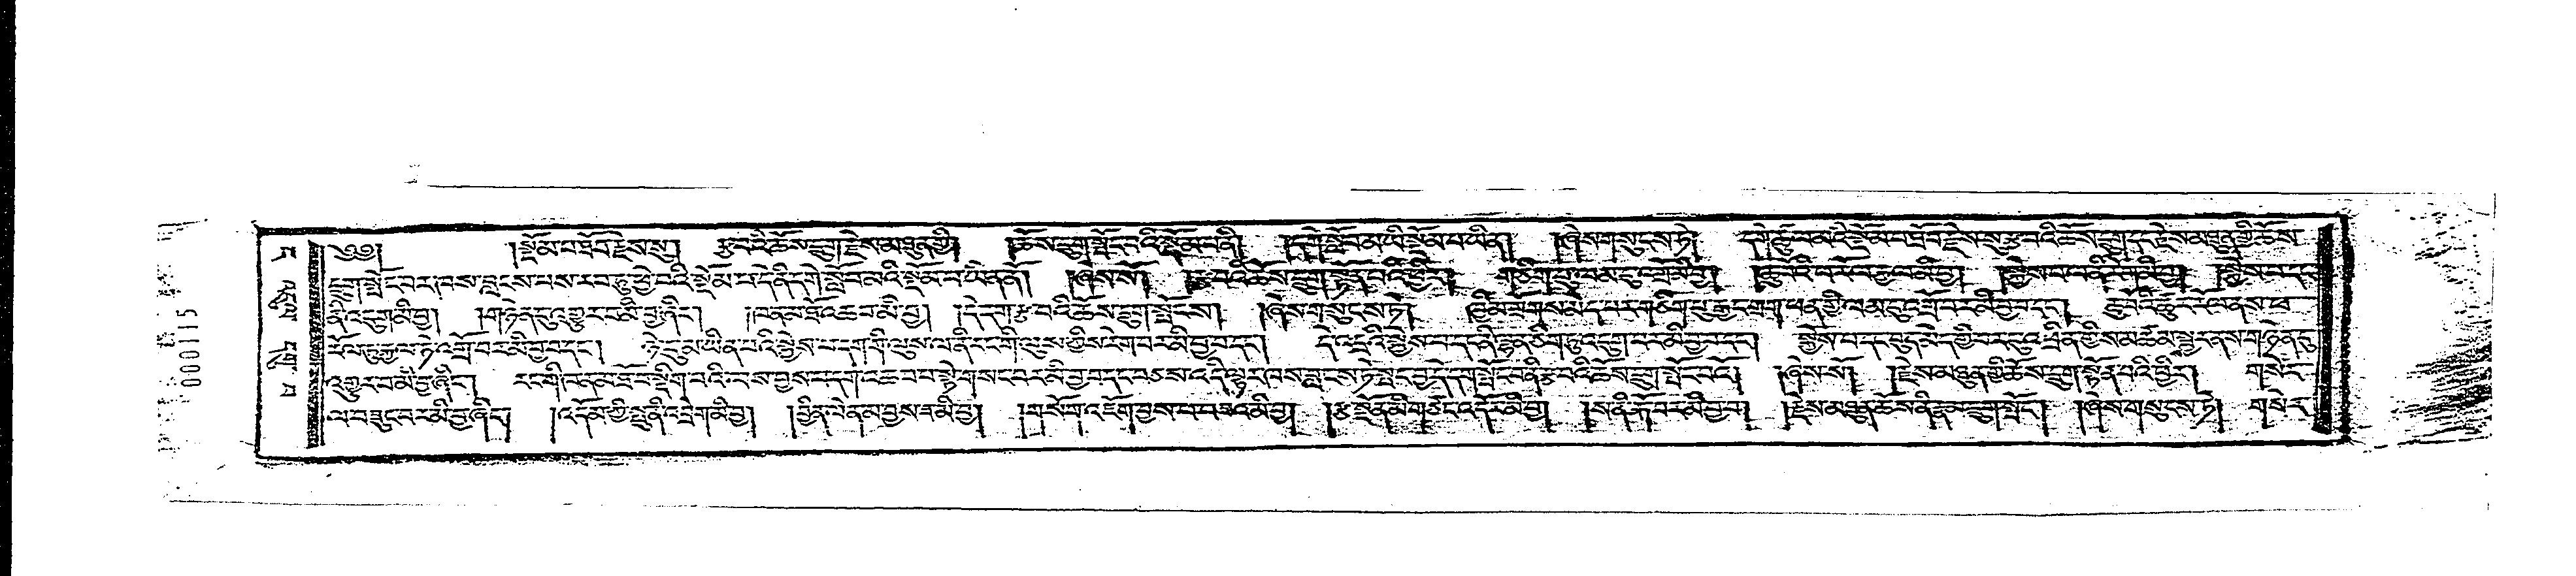༄༅། །སྡོམ་པ་ཐོབ་རྗེས་སུ། རྩ་བའི་ཆོས་དྲུག་རྗེས་མཐུན་གྱི། །ཆོས་དྲུག་སྤོང་བའི་སྡོམ་པ་ནི། །དགེ་སློབ་མ་ཡི་སྡོམ་པ་ཡིན། །ཞེས་གསུངས་ཏེ། དགེ་ཚུལ་མའི་སྡོམ་པ་ཐོབ་རྗེས་སུ་རྩ་བའི་ཆོས་དྲུག་དང་རྗེས་མཐུན་གྱི་ཆོས་
དྲུག་སྤོང་བར་ཁས་བླངས་པས་རབ་ཏུ་ཕྱེ་བའི་སྡོམ་པ་དེ་ནི་དགེ་སློབ་མའི་སྡོམ་པ་ཡིན་ནོ། །ཞེས་སོ། །རྩ་བའི་ཆོས་དྲུག་སྟོན་པའི་ཕྱིར། གཅིག་པུ་ལམ་དུ་འགྲོ་མི་བྱ། །ཆུ་བོའི་ཕ་རོལ་རྐྱལ་མི་བྱ། །སྐྱེས་བ་ལ་ནི་རེག་མི་བྱ། །སྐྱེས་བ་དང་
ནི་འདུག་མི་བྱ། །གཉེན་དུ་འགྱུར་བ་མི་བྱ་ཞིང་། །ཁ་ན་མ་ཐོ་འཆབ་མི་བྱ། །དེ་དག་རྩ་བའི་ཆོས་དྲུག་སྤོངས། །ཞེས་གསུངས་ཏེ། ཁྱིམ་གྲོགས་མེད་པར་གཅིག་པུ་རྒྱང་གྲག་ཕན་གྱི་ལམ་དུ་འགྲོ་བར་མི་བྱ་བ་དང་། ཆུ་བོའི་ཚུར་རོལ་ནས་ཕ་
རོལ་ཏུ་རྐྱལ་ཏེ་འགྲོ་བར་མི་བྱ་བ་དང་། ཉེ་དུ་མ་ཡིན་པའི་སྐྱེས་པ་དག་གི་ལུས་ལ་ནི་རང་གི་ལུས་ཀྱིས་རེག་པར་མི་བྱ་བ་དང་། དེ་འདྲའི་སྐྱེས་བ་དང་ནི་ལྷན་ཅིག་ཏུ་འདུག་བར་མི་བྱ་བ་དང་། སྐྱེས་པ་དང་བུད་མེད་གྱི་བར་དུ་འཕྲིན་གྱིས་མཚམས་སྦྱར་ནས་གཉེན་དུ་
འགྱུར་བ་མི་བྱ་ཞིང་། རང་གི་ཁ་ན་མ་ཐོ་བ་སྡིག་པའི་ལས་བྱས་པ་དག་འཆབ་བ་སྟེ་གསང་བར་མི་བྱ་བ་དང་བཅས་འདི་ལྟར་ཁས་བླངས་ཏེ་སྤང་བྱ་དེ་དག་སྤོང་བ་ནི་རྩ་བའི་ཆོས་དྲུག་སྤོང་བའོ། །ཞེས་སོ། །རྗེས་མཐུན་གྱི་ཆོས་དྲུག་སྟོན་པའི་ཕྱིར། གསེར་
ལ་བཟུང་བར་མི་བྱ་ཞིང་། །འདོམ་ཀྱི་སྤུ་ནི་འབྲེག་མི་བྱ། །བྱིན་ལེན་མ་བྱས་ཟ་མི་བྱ། །གསོག་འཇོག་བྱས་པ་བཟའ་མི་བྱ། །རྩ་སྔོན་མི་གཙང་འདོར་མི་བྱ། །ས་ནི་རྐོ་བར་མི་བྱ་བ། །རྗེས་མཐུན་ཆོས་ནི་རྣམ་དྲུག་སྤོང་། །ཞེས་གསུངས་ཏེ། གསེར་